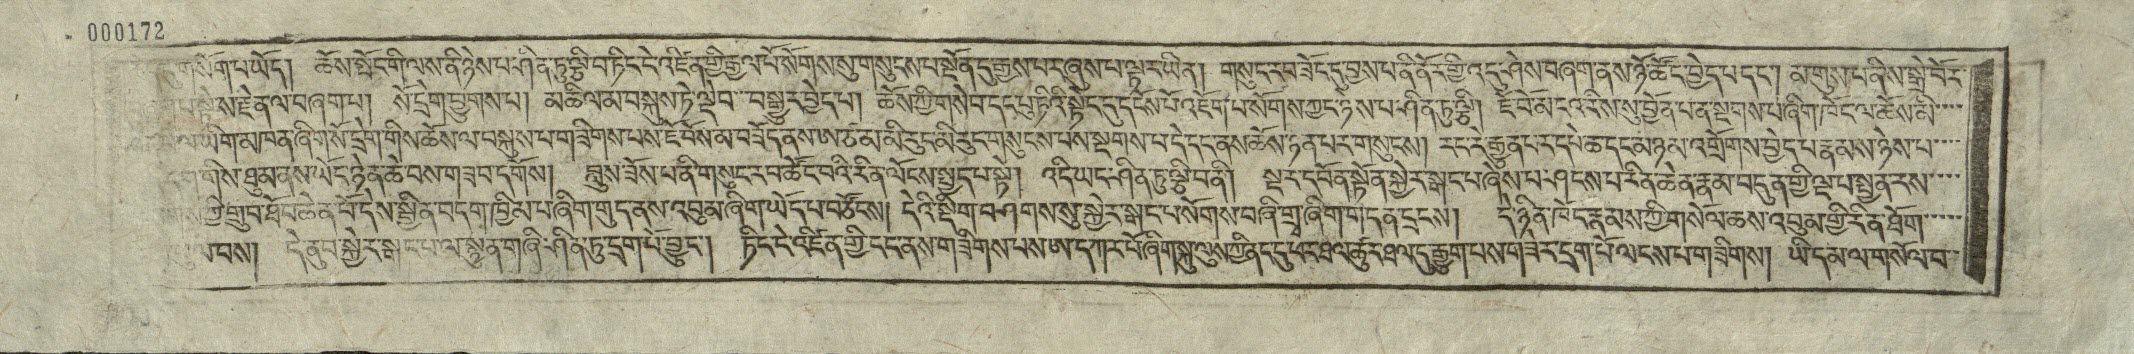ཆེད་དུ་གསོག་པ་ཡོད། ཆོས་སྤོང་གི་ལས་ནི་ཉེས་པ་ཤིན་ཏུ་ལྕི་བ་ཏིང་ངེ་འཛིན་གྱི་རྒྱལ་པོ་སོགས་སུ་གསུངས་པ་སྔོན་དུ་རྒྱས་པར་ཞུས་པ་ལྟར་ཡིན། གསུང་རབ་ཟོད་དུ་བྱས་པ་ནི་ནོར་གྱི་འདུ་ཤེས་བཞག་ནས་ཉོ་ཚོད་བྱེད་པ་དང་། མ་གུས་པ་ནི་ས་སྒྲེ་བོར་
བཞག་པ་སྟེ་ས་རྗེན་ལ་བཞག་པ། སོ་དྲེག་བྱུགས་པ། མཆིལ་མ་བསྐུས་ཏེ་ལྡེབ་བསྒྱུར་བྱེད་པ། ཆོས་ཀྱི་གསེབ་དང་པུ་ཏིའི་སྟེང་དུ་དངོས་པོ་འཇིག་པ་སོགས་ཀྱང་ཉེས་པ་ཤིན་ཏུ་ལྕི། ཇོ་བོ་མངའ་རིས་སུ་བྱོན་པ་ན་སྔགས་པ་ཞིག་ཁོང་ལ་ཆོས་མི་
ཉན་པ་ལ་ཡིག་མཁན་ཞིག་སོ་དྲེག་གིས་ཆོས་ལ་བསྐུས་པ་གཟིགས་པས་ཇོ་བོས་མ་བཟོད་ནས་ཨ་ཙ་མ་མི་རུང་མི་རུང་གསུངས་པས་སྔགས་པ་དེ་དད་ནས་ཆོས་ཏན་པར་གསུངས། རང་རེ་རྒྱུན་པར་དཔེ་ཆ་དང་མཉམ་འགྲོགས་བྱེད་པ་རྣམས་ཉེས་པ་
འདི་དག་གིས་ཐུམ་ནས་ཡོད་ཉེན་ཆེ་བས་གཟབ་དགོས། བླུས་ཟོས་པ་ནི་གསུངས་རབ་ཚོང་བའི་རིན་ལོངས་སྤྱད་པ་སྟེ། འདི་ཡང་ཤིན་ཏུ་ལྕི་བ་ནི། སྔར་དབོན་སྟོན་སྐྱེར་སྒང་པ་ཞེས་པ་ཤངས་པ་རིན་ཆེན་རྣམ་བདུན་གྱི་ལྔ་པ་སྤན་རས་
གཟིགས་ཀྱི་གྲུབ་ཐོབ་ཆེན་པོ་དེས་སྦྱིན་བདག་ཁྱིམ་པ་ཞིག་གུད་ནས་འབུམ་ཞིག་ཡོད་པ་བཙོངས། དེའི་སྡིག་བཤགས་སུ་སྐྱེར་སྒང་པ་སོགས་བཞི་གྲྭ་ཞིག་གདན་དྲངས། དེ་ཉིན་ཁོང་རྣམས་ཀྱི་གསོལ་ཆས་འབུམ་གྱི་རིན་ཐོག་
ནས་ཕུལ་བས། དེ་ནུབ་སྐྱེར་སྒང་པ་ལ་སྙུན་གཞི་ཤིན་ཏུ་དྲག་པོ་བྱུང་། ཏིང་ངེ་འཛིན་གྱི་དད་ནས་གཟིགས་པས་ཨ་དཀར་པོ་ཞིག་སྐུ་ལུས་ཀྱི་ནང་དུ་ཕར་ཐལ་ཚུར་ཐལ་དུ་རྒྱུག་པས་གཟེར་དྲག་པོ་ལངས་པ་གཟིགས། ཡི་དམ་ལ་གསོལ་བ་